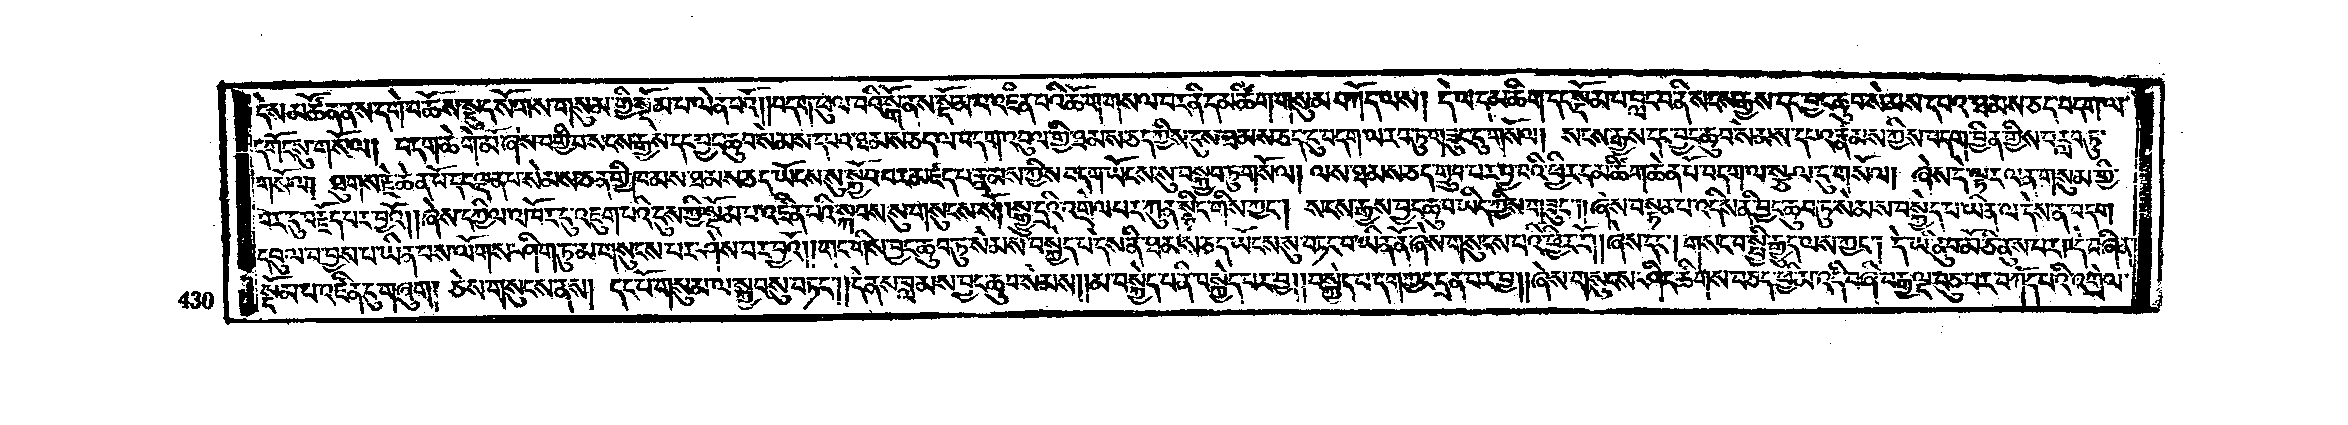དེས་མཚོན་ནས་དགེ་བ་ཆོས་སྡུད་སོགས་གསུམ་གྱི་སྡོམ་པ་ལེན་པའོ། །བདག་ཕུལ་བའི་སྒོ་ནས་སྡོམ་པ་འཛིན་པའི་ཆོ་ག་གསལ་བར་ནི་དམ་ཚིག་གསུམ་བཀོད་ལས། དེ་ལ་དམ་ཚིག་དང་སྡོམ་པ་བླང་བ་ནི་སངས་རྒྱས་དང་བྱང་ཆུབ་སེམས་དཔའ་ཐམས་ཅད་བདག་ལ་
དགོངས་སུ་གསོལ། བདག་ཆེ་གེ་མོ་ཞེས་བགྱི་བ་སངས་རྒྱས་དང་བྱང་ཆུབ་སེམས་དཔའ་ཐམས་ཅད་ལ་བདག་འབུལ་གྱི་ཐམས་ཅད་ཀྱིས་དུས་ཐམས་ཅད་དུ་བདག་ལ་རབ་ཏུ་གཟུང་དུ་གསོལ། སངས་རྒྱས་དང་བྱང་ཆུབ་སེམས་དཔའ་རྣམས་ཀྱིས་བདག་བྱིན་གྱིས་བརླབ་ཏུ་
གསོལ། ཐུགས་རྗེ་ཆེན་པོ་དང་ལྡན་པ་སེམས་ཅན་གྱི་ཁམས་ཐམས་ཅད་ཡོངས་སུ་སྐྱོབ་པར་མཛད་པ་རྣམས་ཀྱིས་བདག་ཡོངས་སུ་བསྐྱབ་ཏུ་གསོལ། ལས་ཐམས་ཅད་གྲུབ་པར་བྱ་བའི་ཕྱིར་དམ་ཚིག་ཆེན་པོ་བདག་ལ་སྩལ་དུ་གསོལ། ཞེས་དེ་ལྟར་ལན་གསུམ་གྱི་
བར་དུ་བརྗོད་པར་བྱའོ། །ཞེས་དཀྱིལ་འཁོར་དུ་འཇུག་པའི་དུས་ཀྱི་སྡོམ་པ་འཛིན་པའི་སྐབས་སུ་གསུངས་སོ། །སྒྱུ་དྲའི་འགྲེལ་པར་ཀུན་སྙིང་གིས་ཀྱང་། སངས་རྒྱས་བྱང་ཆུབ་ཡིད་ཀྱིས་གཟུང་། །ཞེས་བསྟན་པ་འདིས་ནི་བྱང་ཆུབ་ཏུ་སེམས་བསྐྱེད་པ་ཡིན་ལ་དེས་ན་བདག་
དབུལ་བ་བྱས་པ་ཡིན་པས་ལོགས་ཤིག་ཏུ་མ་གསུངས་པར་ཤེས་པར་བྱའོ། །གང་གིས་བྱང་ཆུབ་ཏུ་སེམས་བསྐྱེད་པ་དེས་ནི་ཐམས་ཅད་ཡོངས་སུ་བཏང་བ་ཡིན་ནོ་ཞེས་གསུངས་པའི་ཕྱིར་རོ། །ཞེས་དང་། གསང་བ་སྤྱི་རྒྱུད་ལས་ཀྱང་། དེ་ཡི་ནུབ་མོ་ཅི་ནུས་པར། །དེ་བཞིན་
སྡོམ་པ་འཛིན་དུ་གཞུག། ཅེས་གསུངས་ནས། དང་པོ་གསུམ་ལ་སྐྱབས་སུ་བཏང་། །དེ་ནས་བླ་མས་བྱང་ཆུབ་སེམས། །མ་བསྐྱེད་པ་ནི་བསྐྱེད་པར་བྱ། །བསྐྱེད་པ་དག་ཀྱང་དྲན་པར་བྱ། །ཞེས་གསུངས་ཤིང་ཚིགས་བཅད་ཕྱི་མ་འདི་བཞི་བརྒྱ་ལྔ་བཅུ་པར་བཀོད་པའི་འགྲེལ་